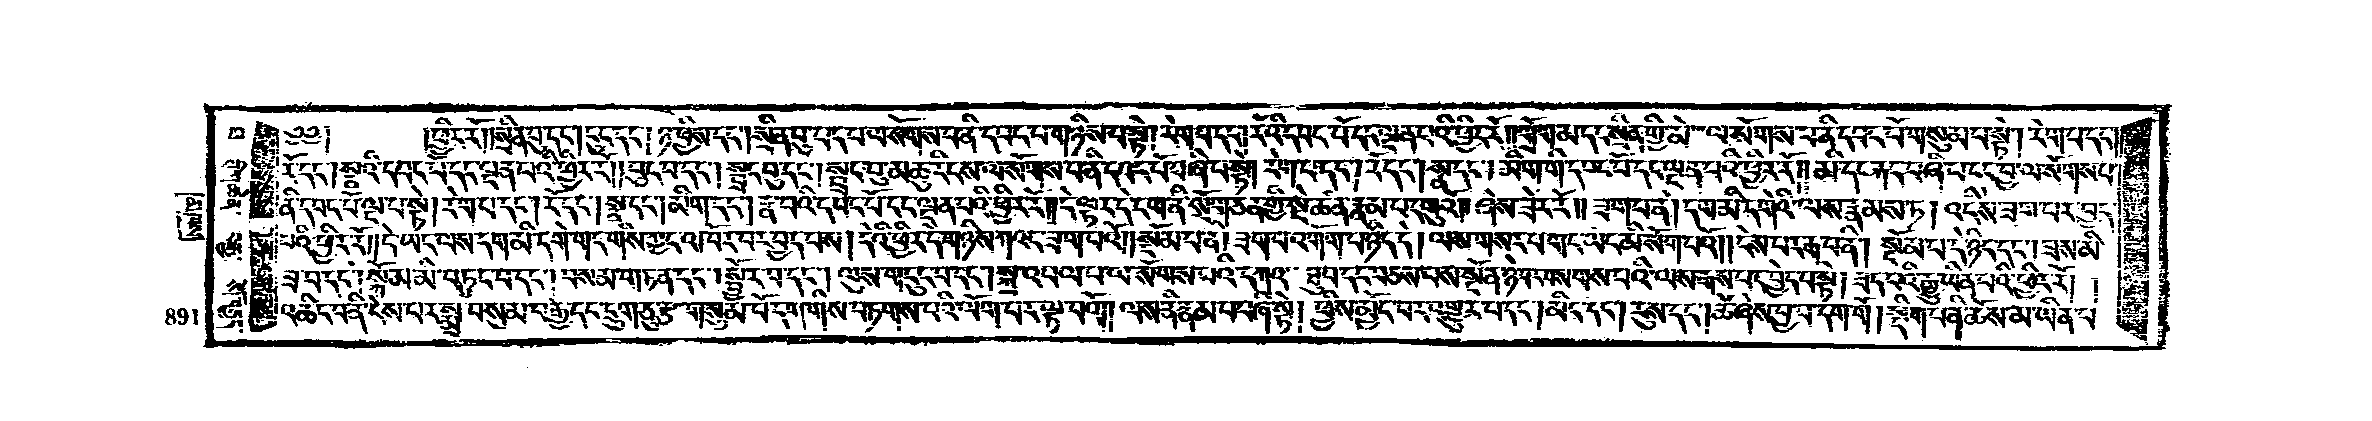༄༅། །ཕྱིར་རོ། །སྲོན་བུ་དང་། དུང་དང་། ཉ་ཕྱིས་དང་། སྲིན་དུ་པད་པ་ལ་སོགས་པ་ནི་དབང་པ་གཉིས་པ་སྟེ། རེག་པ་དང་། རོའི་དབང་པོ་དང་ལྡན་པའི་ཕྱིར་རོ། །གྲོགས་མ་དང་སྲིན་གྱི་མེ་ལ་སོགས་པ་ནི་དབང་པོ་གསུམ་པ་སྟེ། རེག་པ་དང་།
རོ་དང་། སྣའི་དབང་པོ་དང་ལྡན་པའི་ཕྱིར་རོ། །བུང་བ་དང་། སྦྲང་བུ་དང་། སྦྲང་བུ་མཆུན་རིངས་པ་ལ་སོགས་པ་ནི་དབང་པོ་བཞི་པ་སྟེ། རེག་པ་དང་། རོ་དང་། སྣ་དང་། མིག་གི་དབང་པོ་དང་ལྡན་པའི་ཕྱིར་རོ། །མི་དང་རྐང་བཞི་པ་བྱ་ལ་སོགས་པ་
ནི་དབང་པོ་ལྔ་པ་སྟེ། རེག་པ་དང་། རོ་དང་། སྣ་དང་། མིག་དང་། རྣམ་བའི་དབང་པོ་དང་ལྡན་པའི་ཕྱིར་རོ། །དེ་ལྟར་དེ་དག་ནི་སྲོག་ཅན་གྱི་སྡེ་ཚན་རྣམ་པ་དགུའོ། །ཞེས་ཟེར་རོ། །ཟག་པ་དེ། དག་མི་དགེའི་ལས་རྣམས་ཏེ། འདིས་ཟག་པར་བྱེད་
པའི་ཕྱིར་རོ། །དེ་ཡང་ལས་དག་མི་དགེ་གང་གིས་ཀྱང་འཁོར་བར་བྱེད་པས། དེའི་ཕྱིར་དེ་གཉིས་ཀའང་ཟག་པའོ། །སྡོམ་པ་ནི། ཟག་པ་འགོག་པ་ཉིད་དེ། ལས་གསར་པ་གང་ཡང་མི་སོག་པའོ། །ངེས་པར་རྒ་བ་ནི། སྡོམ་པ་དེ་ཉིད་དང་། ཟས་མི་
ཟ་བ་དང་། སྐོམ་མི་བཏུང་བ་དང་། བསམ་གཏན་དང་། སྦྱོར་བ་དང་། ལུས་གདུང་བར་དང་། སྐྲ་འབལ་པ་ལ་སོགས་པའི་དཀའ་ཐུབ་དང་བཅས་པས་སྔོན་ཉེ་བ་བསགས་པའི་ལས་རྒྱས་པར་བྱེད་པ་སྟེ། ཟད་པའི་རྒྱུ་ཡིན་པའི་ཕྱིར་རོ། །
འཆིང་བ་ནི་ངེས་པར་སྨྲ་བ་སུམ་བརྒྱ་དང་དྲུག་ཅུ་རྩ་གསུམ་པོ་དག་གིས་བཏགས་པའི་ལོག་པར་ལྟ་བའོ། །ལས་ནི་རྣམ་པ་བཞི་སྟེ། ཕྱིས་མྱོང་བར་འགྱུར་བ་དང་། མིང་དང་། རུས་དང་། ཚེ་ཞེས་བྱ་བ་དག་གོ། །སྡིག་པ་ནི་ཆོས་མ་ཡིན་པ་